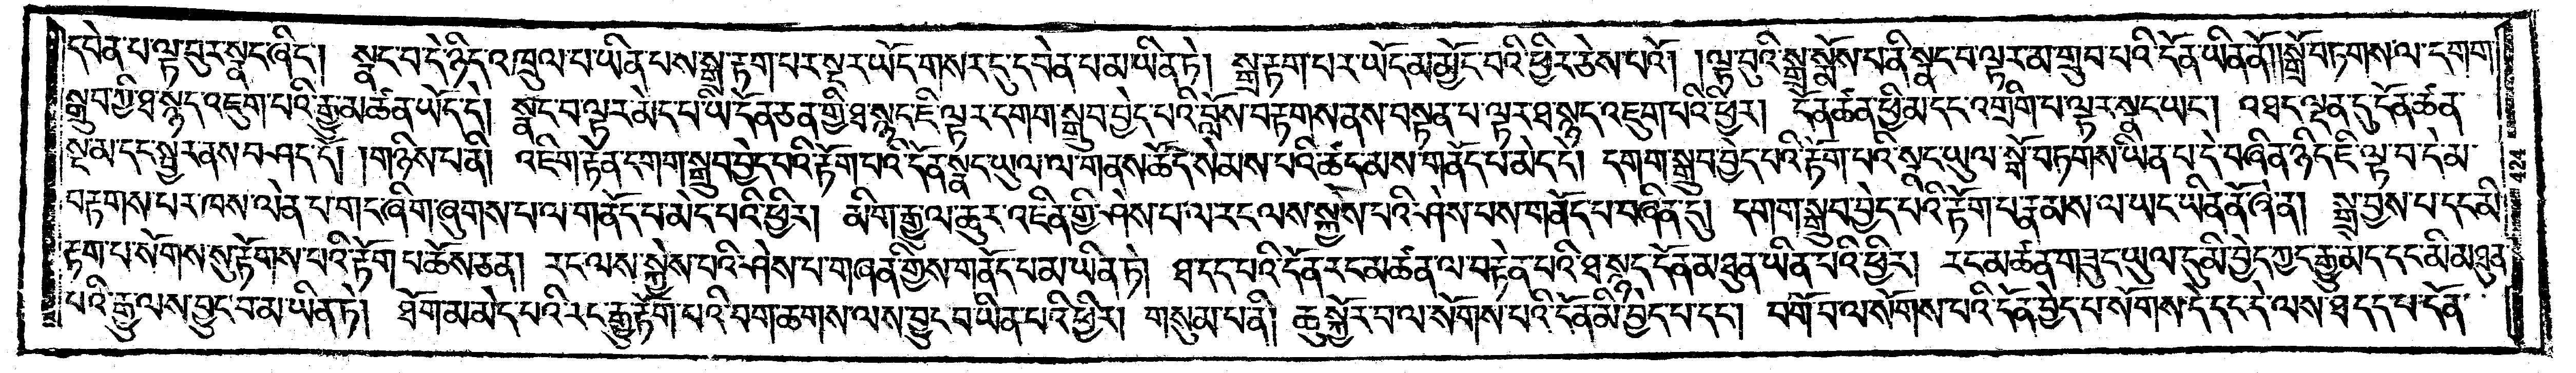དབེན་པ་ལྟ་བུར་སྣང་ཞིང་། སྣང་བ་དེ་ཉིད་འཁྲུལ་པ་ཡིན་པས་སྒྲ་རྟག་པར་སྔར་ཡོད་གསར་དུ་དབེན་པ་མ་ཡིན་ཏེ། སྒྲ་རྟག་པར་ཡོད་མ་མྱོང་བའི་ཕྱིར་ཅེས་པའོ། །ལྟ་བུའི་སྒྲ་སྨོས་པ་ནི་སྣང་བ་ལྟར་མ་གྲུབ་པའི་དོན་ཡིན་ནོ། །སྒྲོ་བཏགས་ལ་དགག་
སྒྲུབ་ཀྱི་ཐ་སྙད་འཇུག་པའི་རྒྱུ་མཚན་ཡོད་དེ། སྣང་བ་ལྟར་མེད་པ་ཡི་དོན་ཅན་གྱི་ཐ་སྙད་ཇི་ལྟར་དགག་སྒྲུབ་བྱེད་པའི་བློས་བརྟགས་ནས་བསྟན་པ་ལྟར་ཐ་སྙད་འཇུག་པའི་ཕྱིར། དོན་ཚན་ཕྱི་མ་དང་འགྲིག་པ་ལྟར་སྣང་ཡང་། འཐད་ལྡན་དུ་དོན་ཚན་
སྔ་མ་དང་སྦྱར་ནས་བཤད་དོ། །གཉིས་པ་ནི། འཇིག་རྟེན་དགག་སྒྲུབ་བྱེད་པའི་རྟོག་པའི་དོན་སྣང་ཡུལ་ལ་གནས་ཚོད་སེམས་པའི་ཚད་མས་གནོད་པ་མེད་དེ། དགག་སྒྲུབ་བྱེད་པའི་རྟོག་པའི་སྣང་ཡུལ་སྒོ་བཏགས་ཡིན་པ་དེ་བཞིན་ཉིད་ཇི་ལྟ་བ་དེ་མ་
བརྟགས་པར་ཁས་ལེན་པ་གང་ཞིག་ཞུགས་པ་ལ་གནོད་པ་མེད་པའི་ཕྱིར། མིག་རྒྱུ་ལ་ཆུར་འཛིན་གྱི་ཤེས་པ་ལ་རང་ལས་སྐྱེས་པའི་ཤེས་པས་གནོད་པ་བཞིན་དུ། དགག་སྒྲུབ་བྱེད་པའི་རྟོག་པ་རྣམས་ལ་ཡང་ཡིན་ནོ་ཞེ་ན། སྒྲ་བྱས་པ་དང་མི་
རྟག་པ་སོགས་སུ་རྟོགས་པའི་རྟོག་པ་ཆོས་ཅན། རང་ལས་སྐྱེས་པའི་ཤེས་པ་གཞན་གྱིས་གནོད་པ་མ་ཡིན་ཏེ། ཐ་དད་པའི་དོན་རང་མཚན་ལ་བརྟེན་པའི་ཐ་སྙད་དོན་མཐུན་ཡིན་པའི་ཕྱིར། རང་མཚན་གཟུང་ཡུལ་དུ་མི་བྱེད་ཀྱང་རྒྱུ་མེད་དང་མི་མཐུན་
པའི་རྒྱུ་ལས་བྱུང་བ་མ་ཡིན་ཏེ། ཐོག་མ་མེད་པའི་རང་རྒྱུ་རྟོག་པའི་བག་ཆགས་ལས་བྱུང་བ་ཡིན་པའི་ཕྱིར། གསུམ་པ་ནི། ཆུ་སྐྱོར་བ་ལ་སོགས་པའི་དོན་མི་བྱེད་པ་དང་། བགོ་བ་ལ་སོགས་པའི་དོན་བྱེད་པ་སོགས་དེ་དང་དེ་ལས་ཐ་དད་པ་དོན་